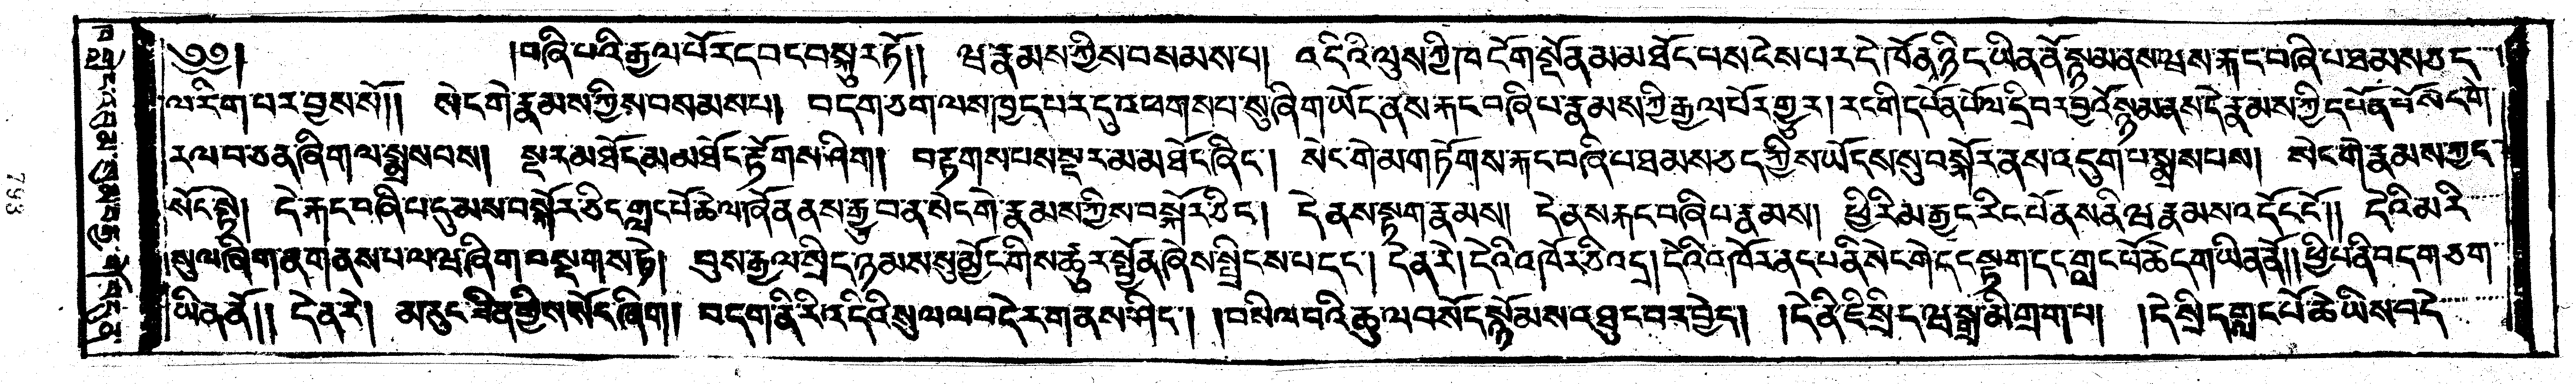༄༅། །བཞི་པའི་རྒྱལ་པོར་དབང་བསྐུར་ཏོ།། ཝ་རྣམས་ཀྱིས་བསམས་པ། འདིའི་ལུས་ཀྱི་ཁ་དོག་སྔོན་མ་མཐོང་པས་ངེས་པར་དེ་ཁོ་ན་ཉིད་ཡིན་ནོ་སྙམ་ནས་ཝས་རྐང་བཞི་པ་ཐམས་ཅད་
ལ་རིག་པར་བྱས་སོ།། སེང་གེ་རྣམས་ཀྱིས་བསམས་པ། བདག་ཅག་ལས་ཁྱད་པར་དུ་འཕགས་པ་སུ་ཞིག་ཡོད་ནས་རྐང་བཞི་པ་རྣམས་ཀྱི་རྒྱལ་པོར་གྱུར། རང་གི་དཔོན་པོ་ལ་དྲི་བར་བྱའོ་སྙམ་ནས་དེ་རྣམས་ཀྱི་དཔོན་པོ་སེང་གེ་
རལ་བ་ཅན་ཞིག་ལ་སྨྲས་པས། སྔར་མཐོང་མ་མཐོང་རྟོགས་ཤིག། བརྟགས་པས་སྔར་མ་མཐོང་ཞིང་། སེང་གེ་མ་གཏོགས་རྐང་བཞི་པ་ཐམས་ཅད་ཀྱིས་ཡོངས་སུ་བསྐོར་ནས་འདུག་པ་སྨྲས་པས། སེང་གེ་རྣམས་ཀྱང་
སོང་སྟེ། དེ་རྐང་བཞི་པ་དུ་མས་བསྐོར་ཅིང་གླང་པོ་ཆེ་ལ་ཞོན་ནས་རྒྱུ་བ་ན་སེང་གེ་རྣམས་ཀྱིས་བསྐོར་ཅིང་། དེ་ནས་སྟག་རྣམས། དེ་ནས་རྐང་བཞི་པ་རྣམས། ཕྱི་རིམ་རྒྱང་རིང་པོ་ནས་ནི་ཝ་རྣམས་འདོང་ངོ།། དེའི་མ་རི་
སུ་ལ་ཞིག་ན་གནས་པ་ལ་ཝ་ཞིག་བསྔགས་ཏེ། བུས་རྒྱལ་སྲིད་ཉམས་སུ་མྱོང་གིས་ཚུར་སྦྱོན་ཞེས་སྤྲིངས་པ་དང་། དེ་ན་རེ། དེའི་འཁོར་ཅི་འདྲ། དེའི་འཁྲོ་ནད་པ་ནི་སེང་གེ་དང་སྟག་དང་གླང་པོ་ཆེ་དག་ཡིན་ནོ། །ཕྱི་པ་ནི་བདག་ཅག་
ཡིན་ནོ།། དེ་ན་རེ། མ་རུང་ཞིན་གྱིས་སོང་ཞིག། བདག་ནི་རི་འདིའི་སུལ་ལ་བདེར་གནས་ཤིང་། །བསིལ་བའི་ཆུ་ལ་བསོད་སྙོམས་འཐུང་བར་བྱེད། །དེ་ནི་ཇི་སྲིད་ཝ་སྒྲ་མི་གྲག་པ། །དེ་སྲིད་གླང་པོ་ཆེ་ཡིས་བདེ་